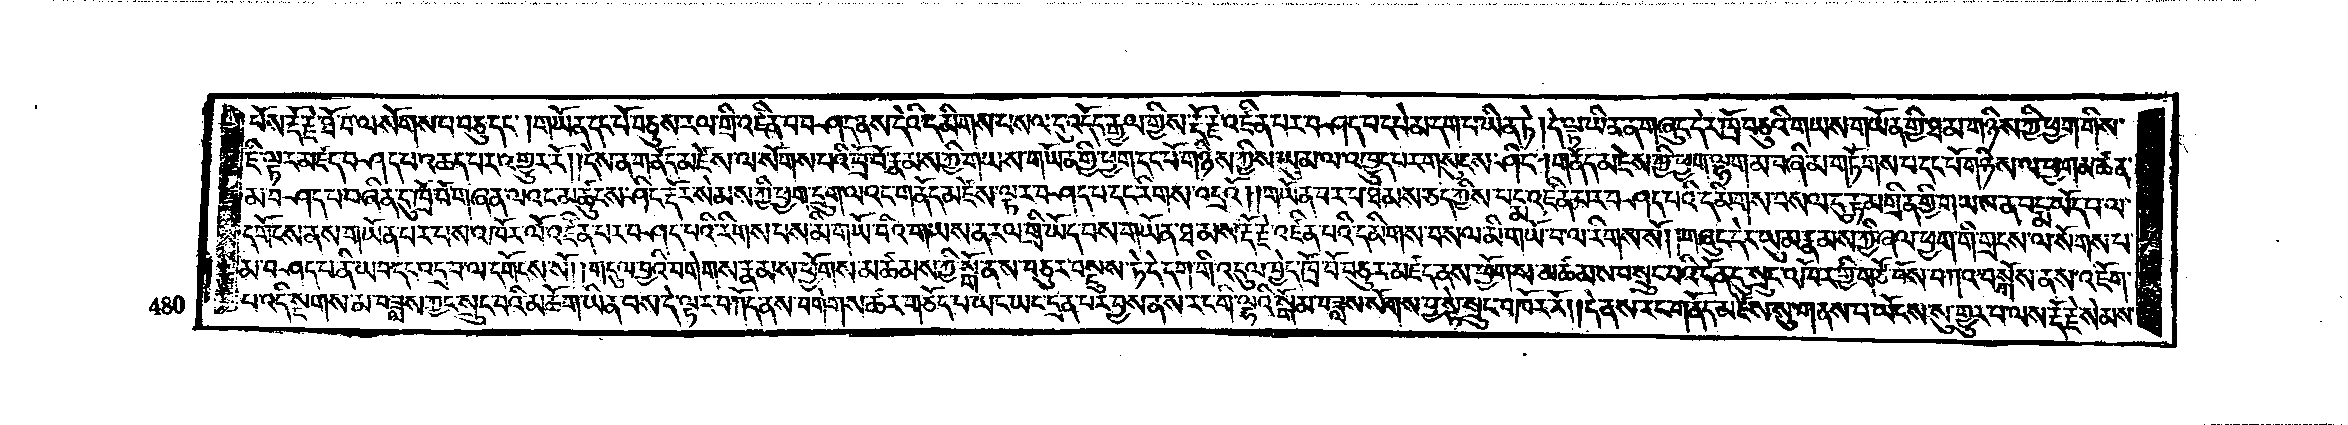པོས་རྡོ་རྗེ་ཐོ་བ་ལ་སོགས་པ་བཅུ་དང་། གཡོན་དང་པོ་བཅུས་རལ་གྲི་འཛིན་པ་བཤད་ནས་དེའི་དམིགས་བསལ་དུ་འདོད་རྒྱལ་གྱིས་རྡོ་རྗེ་འཛིན་པར་བཤད་པ་དཔེ་མ་དག་པ་ཡིན་ཏེ། དེ་ལྟ་ཡིན་ན་གཞུང་དེར་ཁྲོ་བཅུའི་གཡས་གཡོན་གྱི་ཐ་མ་གཉིས་ཀྱི་ཕྱག་གིས་
ཇི་ལྟར་མཛད་བཤད་པ་འཆད་པར་འགྱུར་རོ། །དེས་ན་གནོད་མཛེས་ལ་སོགས་པའི་ཁྲོ་བོ་རྣམས་ཀྱི་གཡས་གཡོན་གྱི་ཕྱག་དང་པོ་གཉིས་ཀྱིས་ཡུམ་ལ་འཁྱུད་པར་གསུངས་ཤིང་། གནོད་མཛེས་ཀྱི་ཕྱག་ལྷག་མ་བཞི་མ་གཏོགས་པ་དང་པོ་གཉིས་ལ་ཕྱག་མཚན་
མ་བཤད་པ་བཞིན་དུ་ཁྲོ་བོ་གཞན་ལའང་མཚུངས་ཤིང་རྡོར་སེམས་ཀྱི་ཕྱག་དྲུག་ལའང་གནོད་མཛེས་ལྟར་བཤད་པ་དང་རིགས་འདྲའོ། །གཡོན་བར་པ་ཐམས་ཅད་ཀྱིས་པདམ་འཛིན་པར་བཤད་པའི་དམིགས་བསལ་དུ་རྟ་མགྲིན་གྱི་གཡས་ན་པདམ་ཡོད་པ་ལ་
དགོངས་ནས་གཡོན་པར་པས་འཁོར་ལོ་འཛིན་པར་བཤད་པའི་རིགས་པས་མི་གཡོ་བའི་གཡས་ན་རལ་གྲི་ཡོད་པས་གཡོན་ཐ་མས་རྡོ་རྗེ་འཛིན་པའི་དམིགས་བསལ་མི་གཡོ་བ་ལ་རིགས་སོ། །གཞུང་དེར་ཡུམ་རྣམས་ཀྱི་ཞལ་ཕྱག་གི་གྲངས་ལ་སོགས་པ་
མ་བཤད་པ་ནི་ཡབ་དང་འདྲ་བ་ལ་དགོངས་སོ། །གདུལ་བྱའི་བགེགས་རྣམས་ཕྱོགས་མཚམས་ཀྱི་སྒོ་ནས་བཅུར་བསྡུས་ཏེ་དེ་དག་གི་འདུལ་བྱེད་ཁྲོ་བོ་བཅུར་མཛད་ནས་ཕྱོགས་མཚམས་བསྲུང་བའི་དོན་དུ་སྲུང་འཁོར་གྱི་གཙོ་བོས་བཀའ་བསྒོས་ནས་འཇོག་
པ་འདི་སྔགས་མ་བཟླས་ཀྱང་སྲུང་བའི་མཆོག་ཡིན་པས་དེ་ལྟར་བཀོད་ནས་བགེགས་ཚར་གཅོད་པ་ཡང་ཡང་དྲན་པར་བྱས་ནས་རང་གི་ལྷའི་སྒོམ་བཟླས་སོགས་བྱ་སྟེ་སྲུང་འཁོར་རོ། །དེ་ནས་རང་གནོད་མཛེས་སུ་གནས་པ་ཡོངས་སུ་གྱུར་པ་ལས་རྡོ་རྗེ་སེམས་